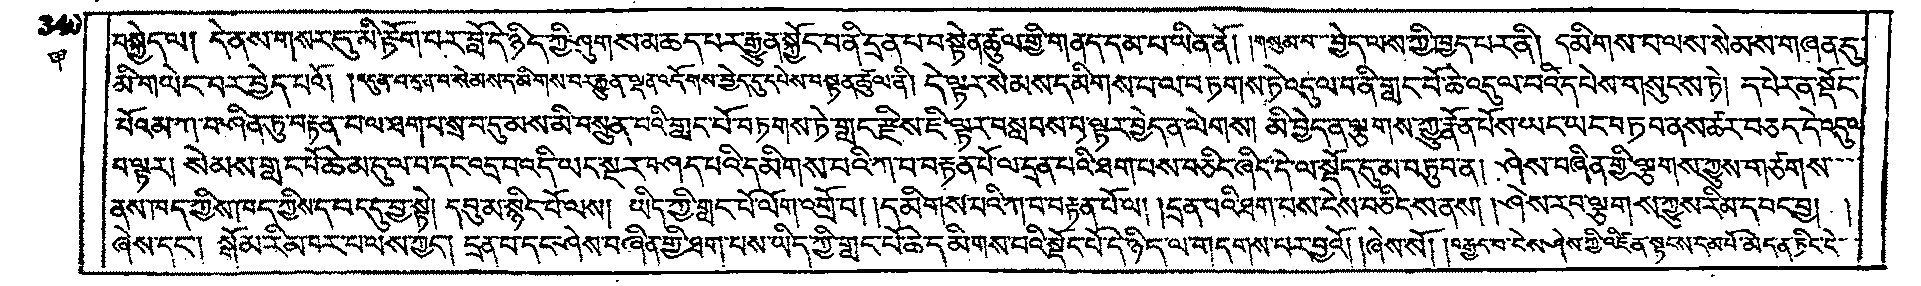བསྐྱེད་ལ། དེ་ནས་གསར་དུ་མི་རྟོག་པར་བློ་དེ་ཉིད་ཀྱི་ཤུགས་མ་ཆད་པར་རྒྱུན་སྐྱོང་བ་ནི་དྲན་པ་བསྟེན་ཚུལ་གྱི་གནད་དམ་པ་ཡིན་ནོ། །གསུམ་པབྱེད་ལས་ཀྱི་ཁྱད་པར་ནི། དམིགས་པ་ལས་སེམས་གཞན་དུ་
མི་གཡེང་བར་བྱེད་པའོ། །བདུན་པ་དྲན་པ་སེམས་དམིགས་པར་རྒྱུན་ལྡན་འདོགས་བྱེད་དུ་དཔེས་བསྟན་ཚུལ་ནི།  དེ་ལྟར་སེམས་དམིགས་པ་ལ་བཏགས་ཏེ་འདུལ་བ་ནི་གླང་པོ་ཆེ་འདུལ་བའི་དཔེས་གསུངས་ཏེ། དཔེར་ན་སྡོང་
པོའམ་ཀ་བ་ཤིན་ཏུ་བརྟན་པ་ལ་ཐག་པ་སྲ་བ་དུ་མས་མི་བསྲུན་པའི་གླང་པོ་བཏགས་ཏེ་གླང་རྫིས་ཇི་ལྟར་བསླབས་པ་ལྟར་བྱེད་ན་ལེགས། མི་བྱེད་ན་ལྕགས་ཀྱུ་རྣོན་པོས་ཡང་ཡང་བཏབ་ནས་ཚར་བཅད་དེ་འདུལ་
བ་ལྟར། སེམས་གླང་པོ་ཆེ་མ་དུ་ལ་བ་དང་འདྲ་བ་འདི་ཡང་སྔར་བཤད་པའི་དམིགས་པའི་ཀ་བ་བརྟན་པོ་ལ་དྲན་པའི་ཐག་པས་བཅིང་ཞིང་དེ་ལ་སྡོད་དུ་མ་བཏུབ་ན། ཤེས་བཞིན་གྱི་ལྕགས་ཀྱུས་གཙགས་
ནས་ཁད་ཀྱིས་ཁད་ཀྱིས་དབང་དུ་བྱ་སྟེ། དབུ་མ་སྙིང་པོ་ལས། ཡིད་ཀྱི་གླང་པོ་ལོག་འགྲོ་བ། །དམིགས་པའི་ཀ་བ་བརྟན་པོ་ལ། །དྲན་པའི་ཐག་པས་ངེས་བཅིངས་ནས། །ཤེས་རབ་ལྕགས་ཀྱུས་རིམ་དབང་བྱ། །
ཞེས་དང་། སྒོམ་རིམ་བར་པ་ལས་ཀྱང་། དྲན་པ་དང་ཤེས་བཞིན་གྱི་ཐག་པས་ཡིད་ཀྱི་གླང་པོ་ཆེ་དམིགས་པའི་སྡོང་པོ་དེ་ཉིད་ལ་གདགས་པར་བྱའོ། །ཞེས་སོ། །བརྒྱད་བ་ངེས་ཤེས་ཀྱི་འཛིན་སྟངས་དམ་པོ་མེད་ན་ཏིང་ངེ་